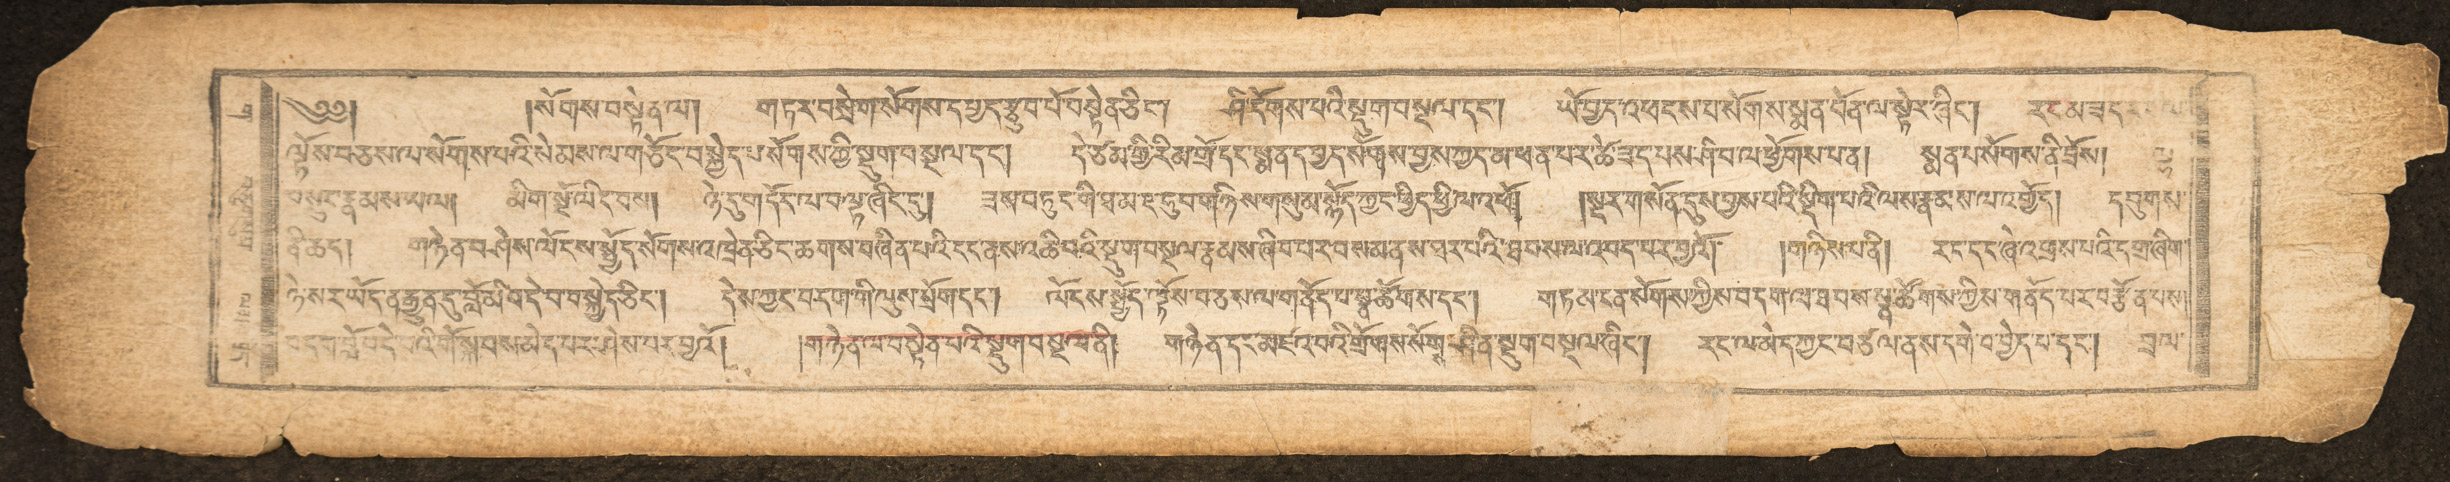༄༅། །སོགས་བསྟེན་ལ། གཏར་བསྲེག་སོགས་དཔྱད་རྩུབ་པོ་བསྟེན་ཅིང་། །ཤི་དོགས་པའི་སྡུག་བསྔལ་དང་། ཡོ་བྱད་འཕངས་པ་སོགས་སྨན་པོ་ན་ལ་སྟེར་ཞིང་། རང་མ་ཟད་རང་ལ་
སྨན་པོ་ནལ་སྟེར་ཞིང་། རང་མ་ཐད་རང་ལ་བསྔལ་དང་། དེ་ཙམ་གྱི་རིམ་གྲོ་དང་སྨན་དཔྱད་སོགས་བྱས་ཀྱང་མ་ཕན་པར་ཚེ་ཟད་པས་ཤི་བ་ལ་ཕྱོགས་པ་ན། སྨན་པ་སོགས་ནི་བྲོས། ལྷ་
བསྲུང་རྣམས་ཡལ། མིག་སྔོ་ལིང་བས། ཉེ་རུ་གདོང་ལ་བལྟ་ཞིང་དུ། ཟས་བཏུང་གི་ཐ་མར་ཧུབ?་གཉིས་གསུམ་སྙོད་ཀྱང་ཕྱིད་ཕྱི་ལ་འཕོ། །སྔར་གསོན་དུས་བྱས་པའི་སྡིག་པའི་ལས་རྣམས་ལ་འགྱོད། དབུགས་
ནི་ཆད། གཉེན་བཤེས་ལོངས་སྤྱོད་སོགས་འཁྲེན་ཅིང་ཆགས་བཞིན་པའི་ངང་ནས་འཆི་བའི་སྡུག་བསྔལ་རྣམས་ཞིབ་པར་བསམ་ནས་ཐར་བའི་ཐབས་ལ་འབད་པར་བྱའོ། །གཉིས་པ་ནི། རང་དང་ཞེ་འགྲས་པའི་དགྲ་ཞིག་
ཉེ་སར་ཡོད་ན་རྒྱུན་དུ་བློ་མི་བདེ་བ་བསྐྱེད་ཅིང་། དེས་ཀྱང་བདག་གི་ལུས་སྲོག་དང་། ལོངས་སྤྱོད་ལྟོས་བཅས་ལ་གནོད་པ་སྣ་ཚོགས་དང་། གཏམ་ངན་སོགས་ཀྱིས་བདག་ལ་ཐབས་སྣ་ཚོགས་ཀྱིས་གནོད་པར་བརྩོན་ལས།
བདག་བློ་བདེ་བའི་གོ་སྐབས་མེད་པར་ཤེས་པར་བྱའོ། །གཉེན་ལ་བསྟེན་པའི་སྡུག་བསྔལ་ནི། གཉེན་དར་མཛའ་བའི་གྲོགས་སོགས་ཤིན་སྡུག་བསྔལ་ཞིང་། རང་ལ་མེད་ཀྱང་བཙལ་ནས་དགེ་བ་བྱེད་པ་དང་། བྲལ་